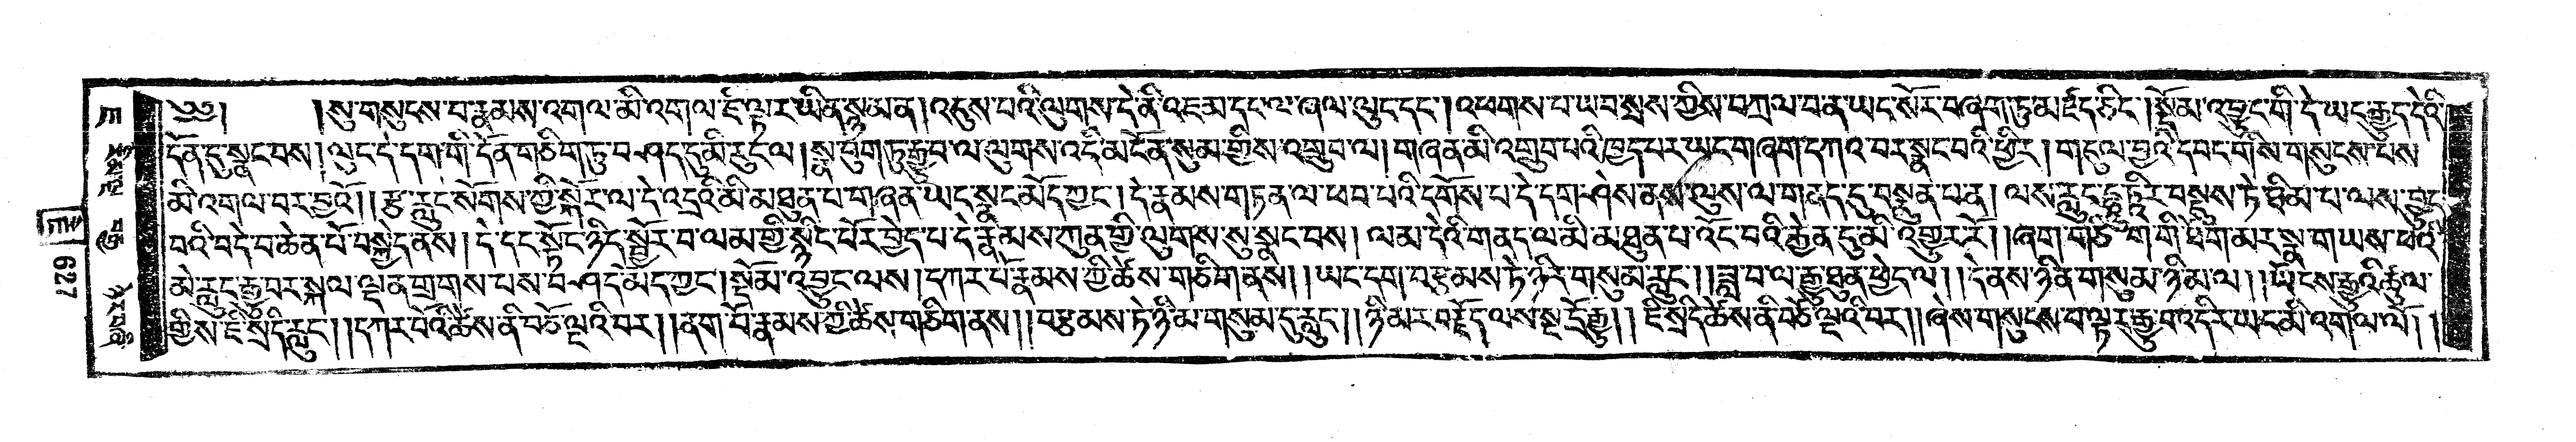༄༅། །སུ་གསུངས་པ་རྣམས་འགལ་མི་འགལ་ཇི་ལྟར་ཡིན་སྙམ་ན། འདུས་པའི་ལུགས་དེ་ནི་འཇམ་དཔལ་ཞལ་ལུང་དང་། འཕགས་པ་ཡབ་སྲས་ཀྱིས་བཀྲལ་བ་ན་ཡང་སོར་བཞག་ཏུ་མཛད་ཅིང་། སྡོམ་འབྱུང་གི་དེ་ཡང་རྒྱུད་དེའི་
དོན་དུ་སྣང་བས། ལུང་དེ་དག་གི་དོན་གཅིག་ཏུ་བཤད་དུ་མི་རུང་ལ། སྣ་བུག་ཏུ་རྒྱུ་བ་ལ་ལུགས་འདི་མངོན་སུམ་གྱིས་འགྲུབ་ལ། གཞན་མི་འགྲུབ་པའི་ཁྱད་པར་ཡང་གཞག་དཀའ་བར་སྣང་བའི་ཕྱིར། གདུལ་བྱའི་དབང་གིས་གསུངས་པས་
མི་འགལ་བར་བྱའོ། །རྩ་རླུང་སོགས་ཀྱི་སྐོར་ལ་དེ་འདྲའི་མི་མཐུན་པ་གཞན་ཡང་སྣང་མོད་ཀྱང་། དེ་རྣམས་གཏན་ལ་ཕབ་པའི་དགོས་པ་དེ་དག་ཤེས་ནས་ལུས་ལ་གནད་དུ་བསྣུན་པ་ན། ལས་རླུང་དྷཱུ་ཏཱིར་བསྡུས་ཏེ་ཐིམ་པ་ལས་བྱུང་
བའི་བདེ་བ་ཆེན་པོ་བསྐྱེད་ནས། དེ་དང་སྟོང་ཉིད་སྦྱོར་བ་ལམ་གྱི་སྙིང་པོར་བྱེད་པ་དེ་རྣམས་ཀུན་གྱི་ལུགས་སུ་སྣང་བས། ལམ་དེའི་གནད་ལ་མི་མཐུན་པ་འོང་བའི་རྐྱེན་དུ་མི་འགྱུར་རོ། །ཞག་གཅིག་གི་ཐོག་མར་སྣ་གཡས་པའི་
མི་རླུང་རྒྱུ་བར་སྐལ་ལྡན་གྲགས་པས་བཤད་མོད་ཀྱང་། སྡོམ་འབྱུང་ལས། དཀར་པོ་རྣམས་ཀྱི་ཚེས་གཅིག་ནས། །ཡང་དག་བརྩམས་ཏེ་ཉིན་གསུམ་རླུང་། །ཟླ་བ་ལ་རྒྱུ་ཐུན་ཕྱེད་ལ། །དེ་ནས་ཉིན་གསུམ་ཉི་མ་ལ། །ཡོངས་རྒྱུའི་ཚུལ་
གྱིས་ཇི་སྲིད་རླུང་། །དཀར་པོའི་ཚེས་ནི་བཅོ་ལྔའི་བར། །ནག་པོ་རྣམས་ཀྱི་ཚེས་གཅིག་ནས། །བརྩམས་ཏེ་ཉི་མ་གསུམ་དུ་རླུང་། །ཉི་མར་བརྗོད་ལས་སྔ་དྲོ་རྒྱུ། །ཇི་སྲིད་ཚེས་ནི་བཅོ་ལྔའི་བར། །ཞེས་གསུངས་པ་ལྟར་རྒྱུ་བ་འདིར་ཡང་མི་འགལ་ལོ། །